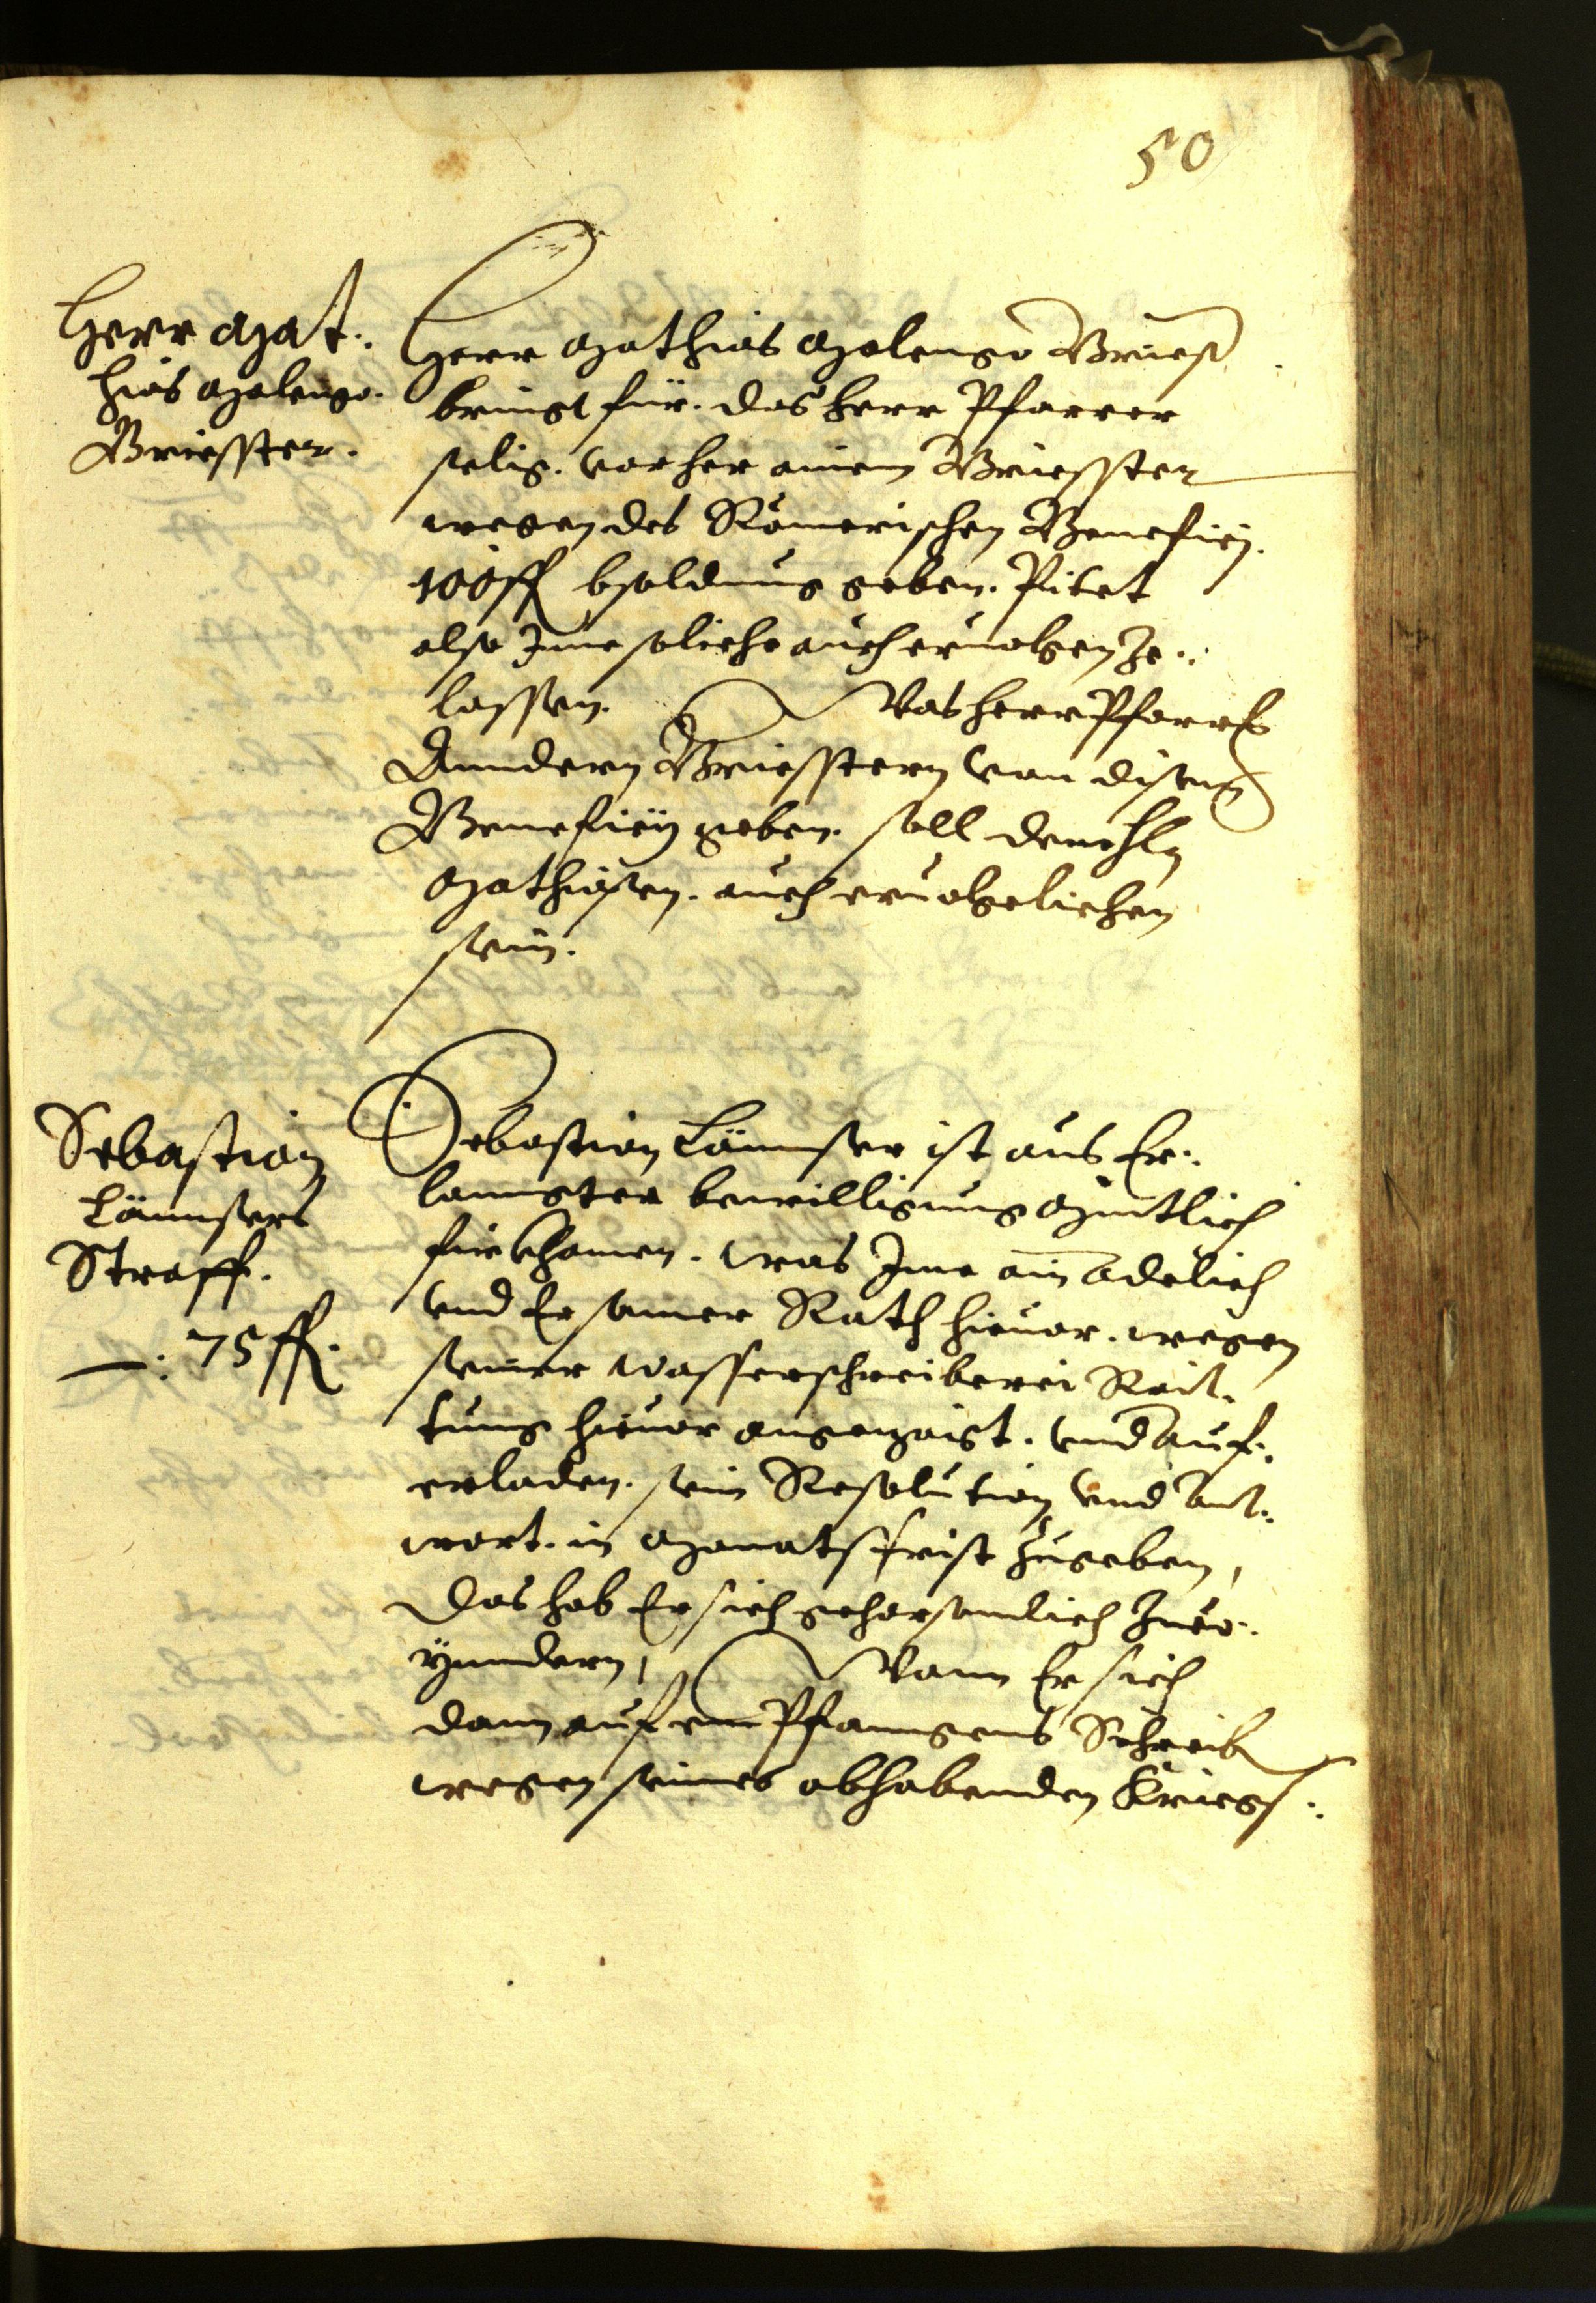50
Herr Mathias Malengo Briest
bringt für. das herr Pfarrer
selig. vorher ainem Briesster
wegen des Römerischen Beneficj.
100 fl bsoldūng geben. Pitet
also Ime soliche aūch erūolgen Ze¬
lassen. Was herr Pfarrer
Anndern Briesstern von disem
Beneficÿ geben. soll dene hln
Mathiasen. aūch erūolgelichen
sein.
Herr Mat¬
hias Malengo
Briesster.
Sebastian Lännser ist aūs Er¬
lanngter bewilligūng mintlich
firkhomen. was Ime ain Adelich
vnd Ersamer Rath hieūor. wegen
seiner Wasserschreiberei Rait¬
tūng hieūor angezaigt. vnd aūf¬
erladen. sein Resolūtion vnd Ant¬
wort. in Monatsfrist Zūgeben.
Das hab Er sich gehorsamlich Zūer¬
ÿnndern, Wann Er sich
dann aūf emPfanngens Schreib
wegen seines obhabenden Kriegs¬
Sebastian
Lännsers
Straff.
—: 75 fl.